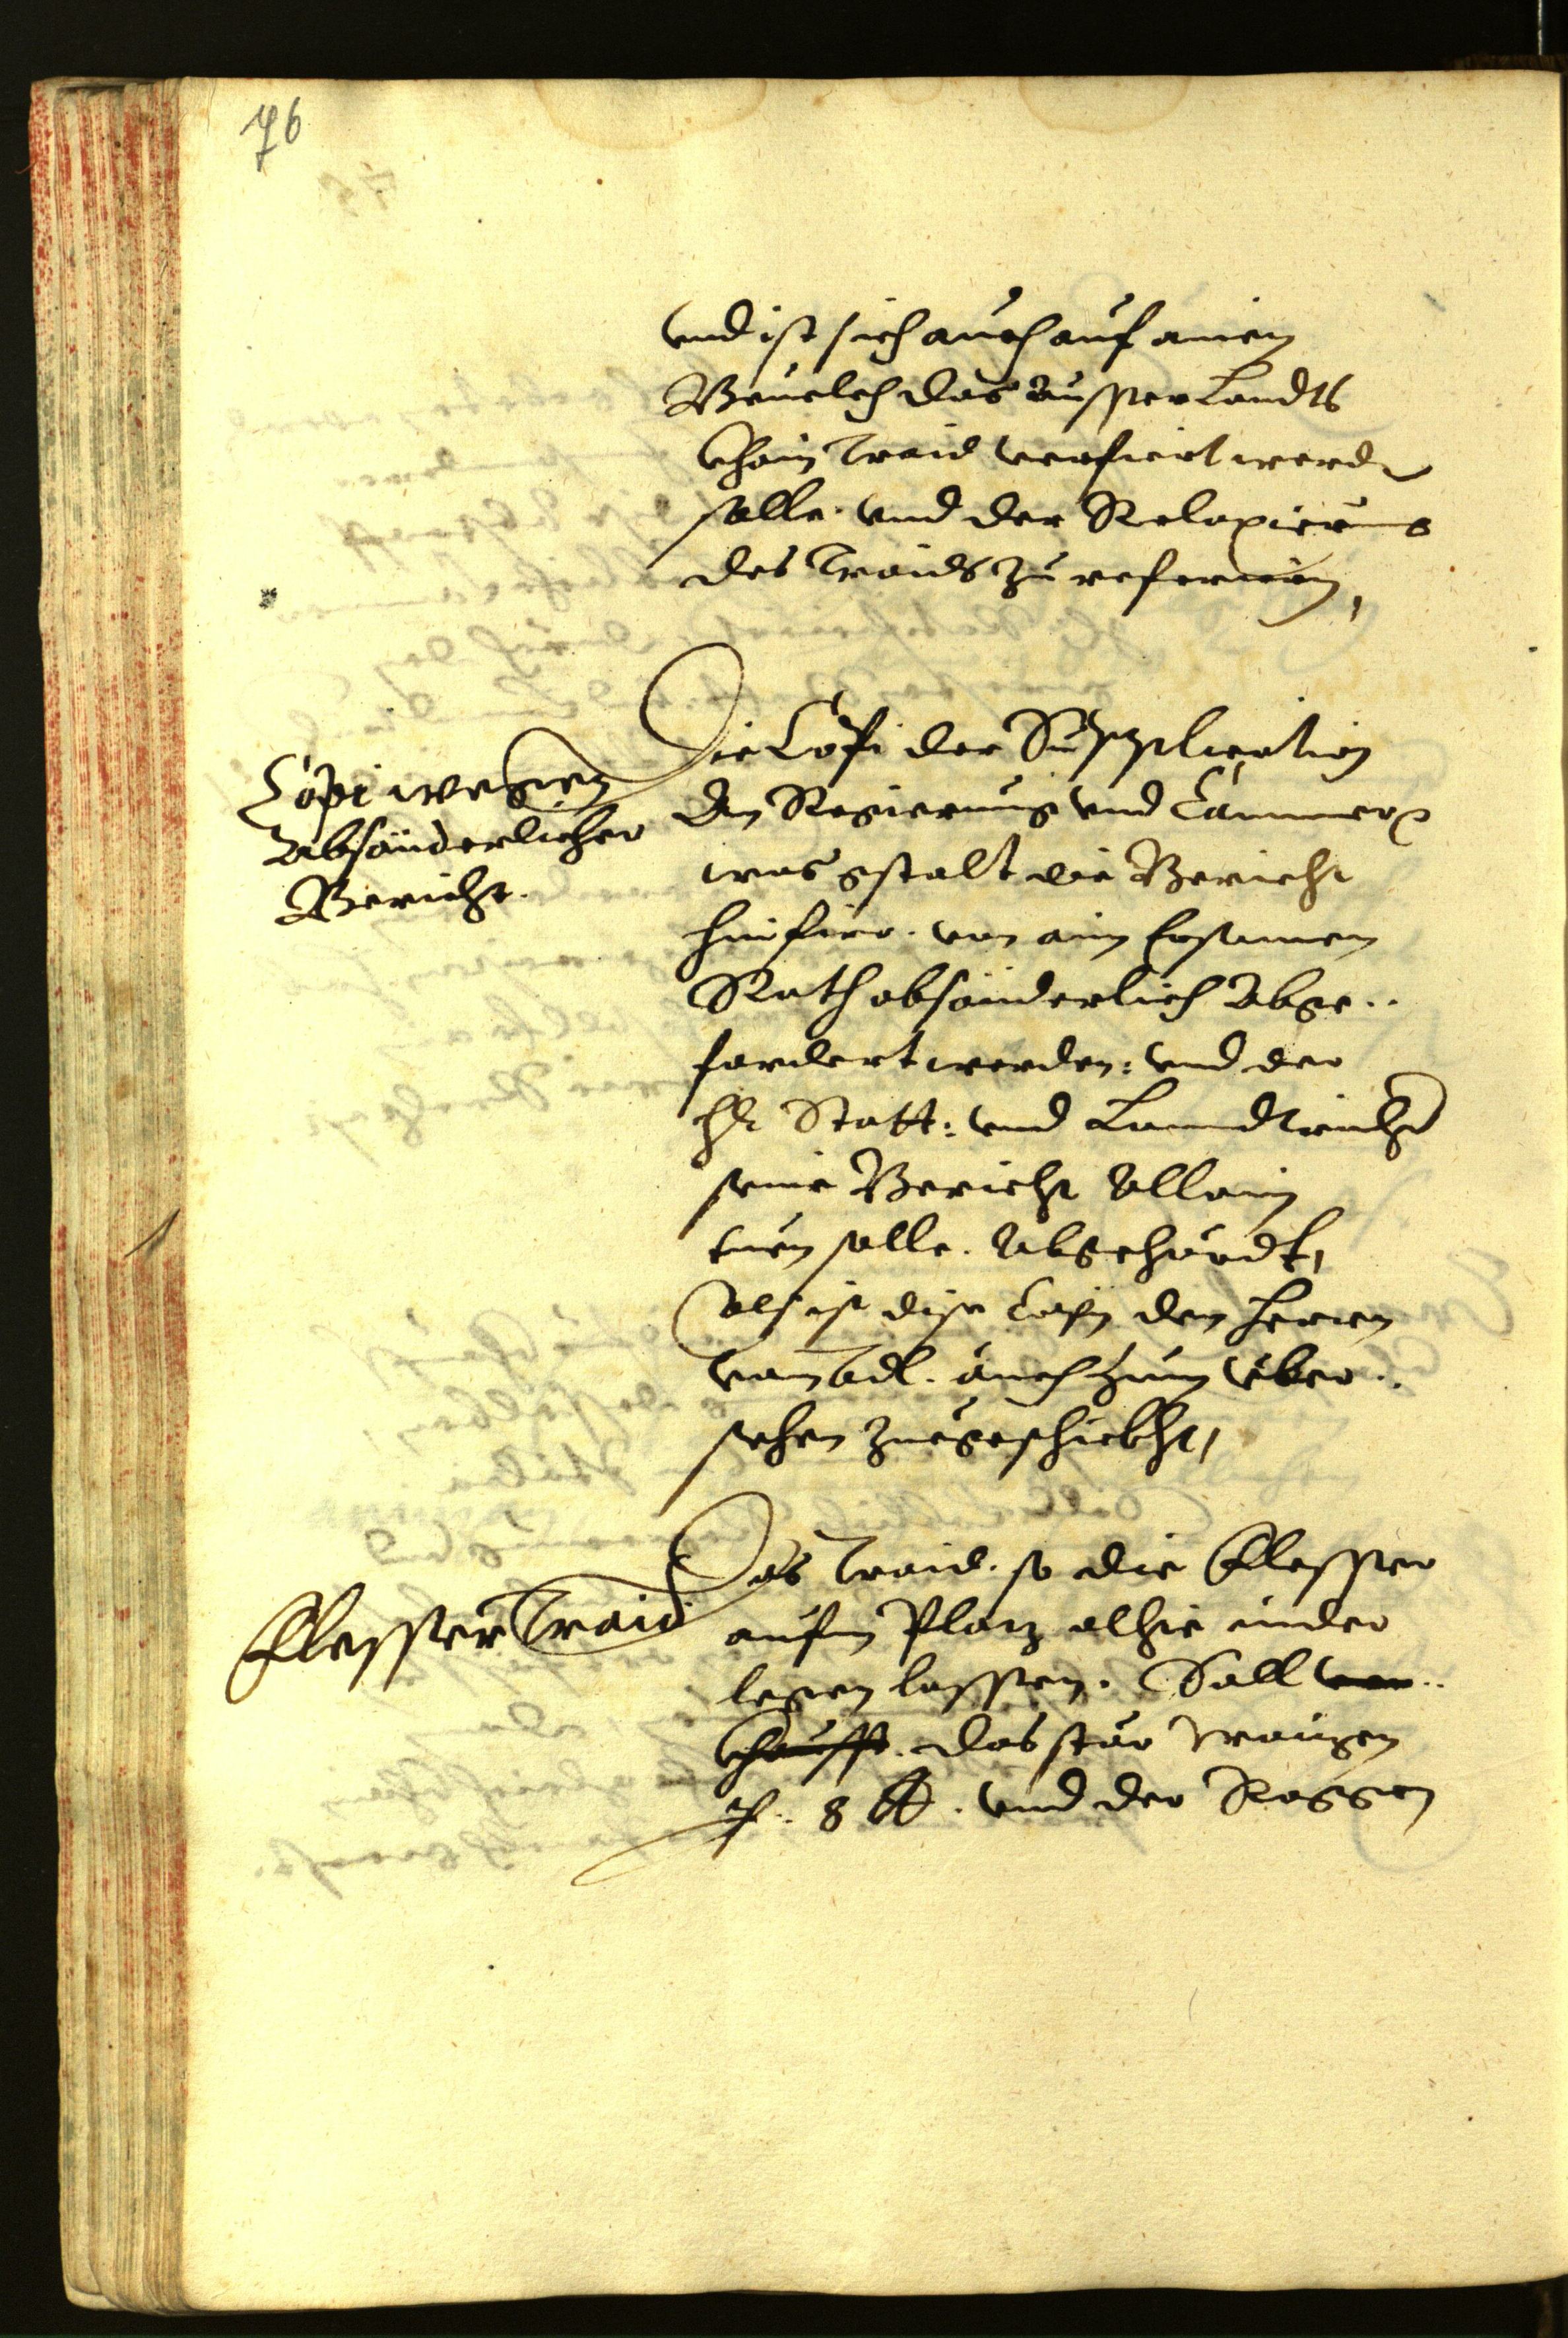76
vnd ist sich aūch aūf ainen
Beūelch das Aūsser Landts
khain Traid verfiert werd
solle. vnd der Relaxierūng
des Traids Zū referiern,
Die CoPi der Sūpplication
An Regierūng vnd Cammer etc
was gestalt die Bericht
hinfiro. von aim Ersamen
Rath obsönderlich Abge¬
fordert werden: vnd der
hl Statt: vnd Lanndtricht
seine Bericht Allain
tūen solle. Abgehōrdt,
Also ist dise CoPi den herrn
vom Adl. aūch Zūm vber¬
sehen Zūegschickht,
CoPi wegen
Absönderlicher
Bericht.
Das Traid. so die Flesser
aūfm Plaz alhie nider¬
legen lassen. Soll ver¬
khaūfft. das stār Waizen
P: 8 lb. vnd der Roggen
Flesser Traid.